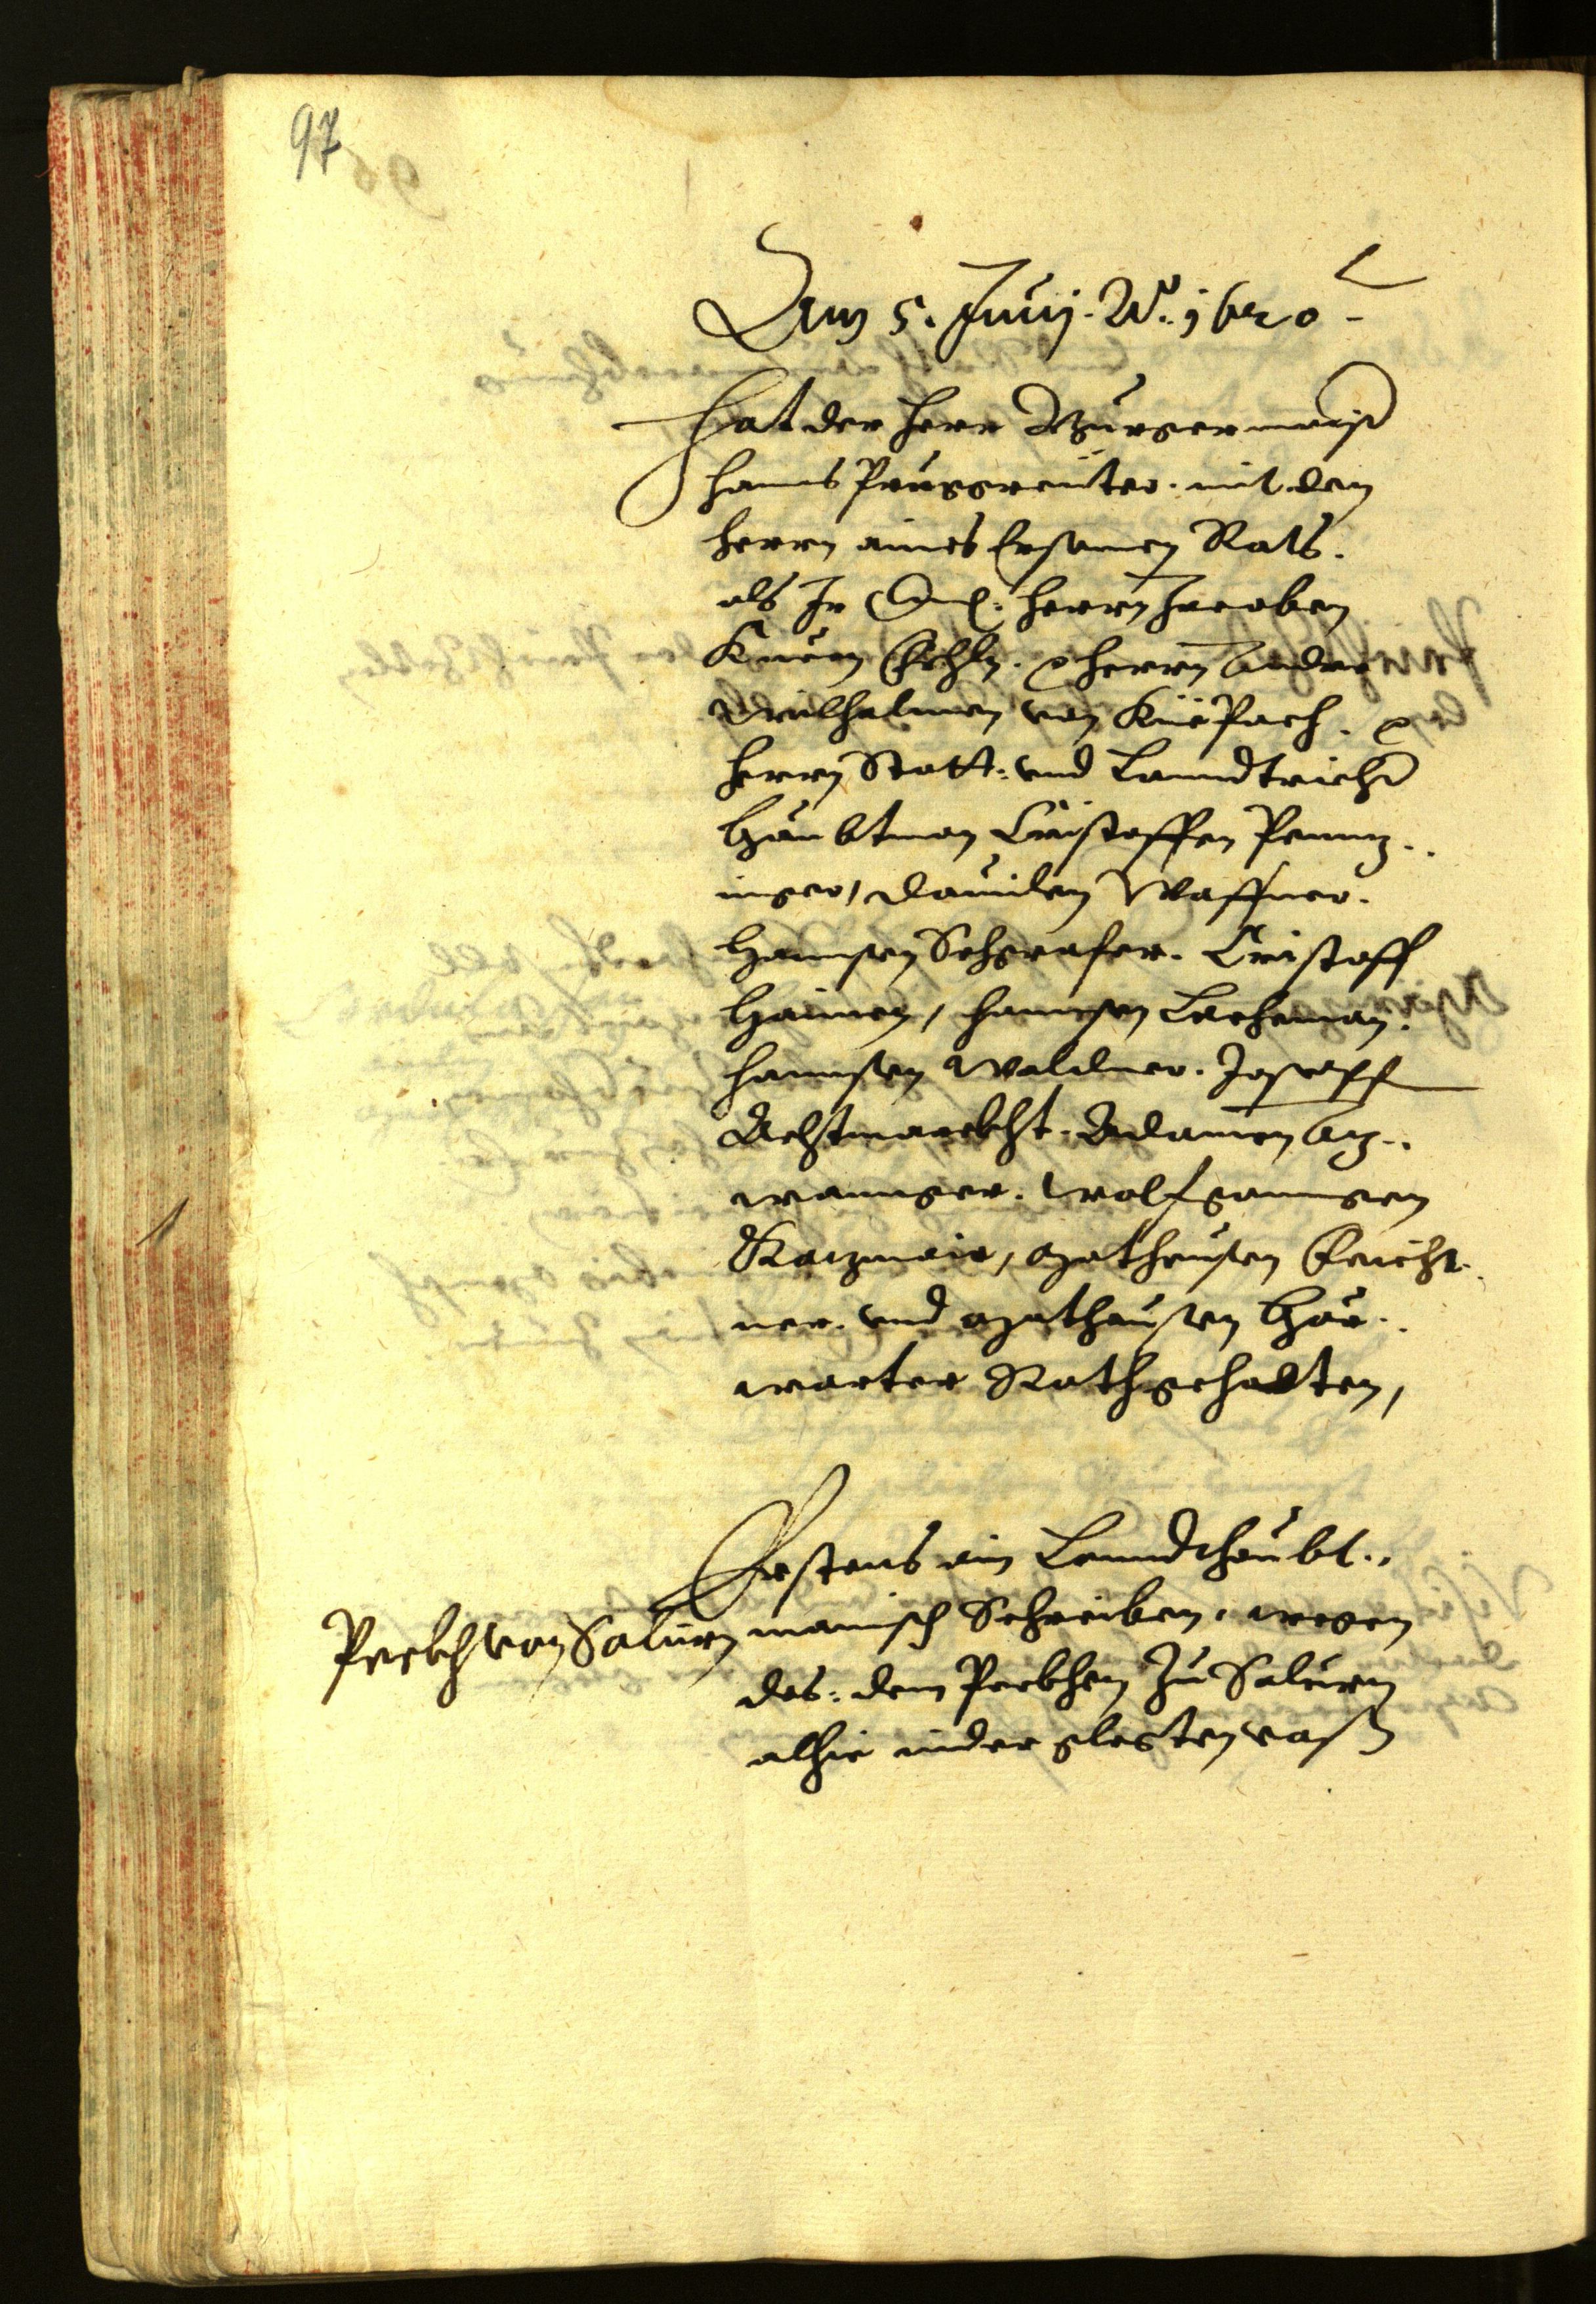97
Am 5. Jūnj. Ao: 1620.t
hat der herr Būrgermaist
hanns Prūggreüter. mit den
herrn aines Ersamen Rats.
als Ir Gn: herrn Jacoben
Kūeen Frhn. etc herrn Andre
Wilhalmen von KüePach. etc
herrn Statt: vnd Lanndtricht
Haūbtman Cristoffen Pennz¬
inger, Daūiden Waffner.
Hannsen Schgrafer. Cristoff
Haimen, hannsen Locheman.
hannsen Waldner. Joseff
Achtmarckht. Adamen Az¬
wannger. Wolfganngen
Kazmair, Matheūsen Feicht¬
ner. vnd Matheūsen Hōr¬
warter Rath gehalten,
Erstens ain Lanndthaūbt¬
manisch Schreiben, wegen
des: dem Peckhen Zū Salūrn
alhie nider glegten vaß
Peckh von Salūrn